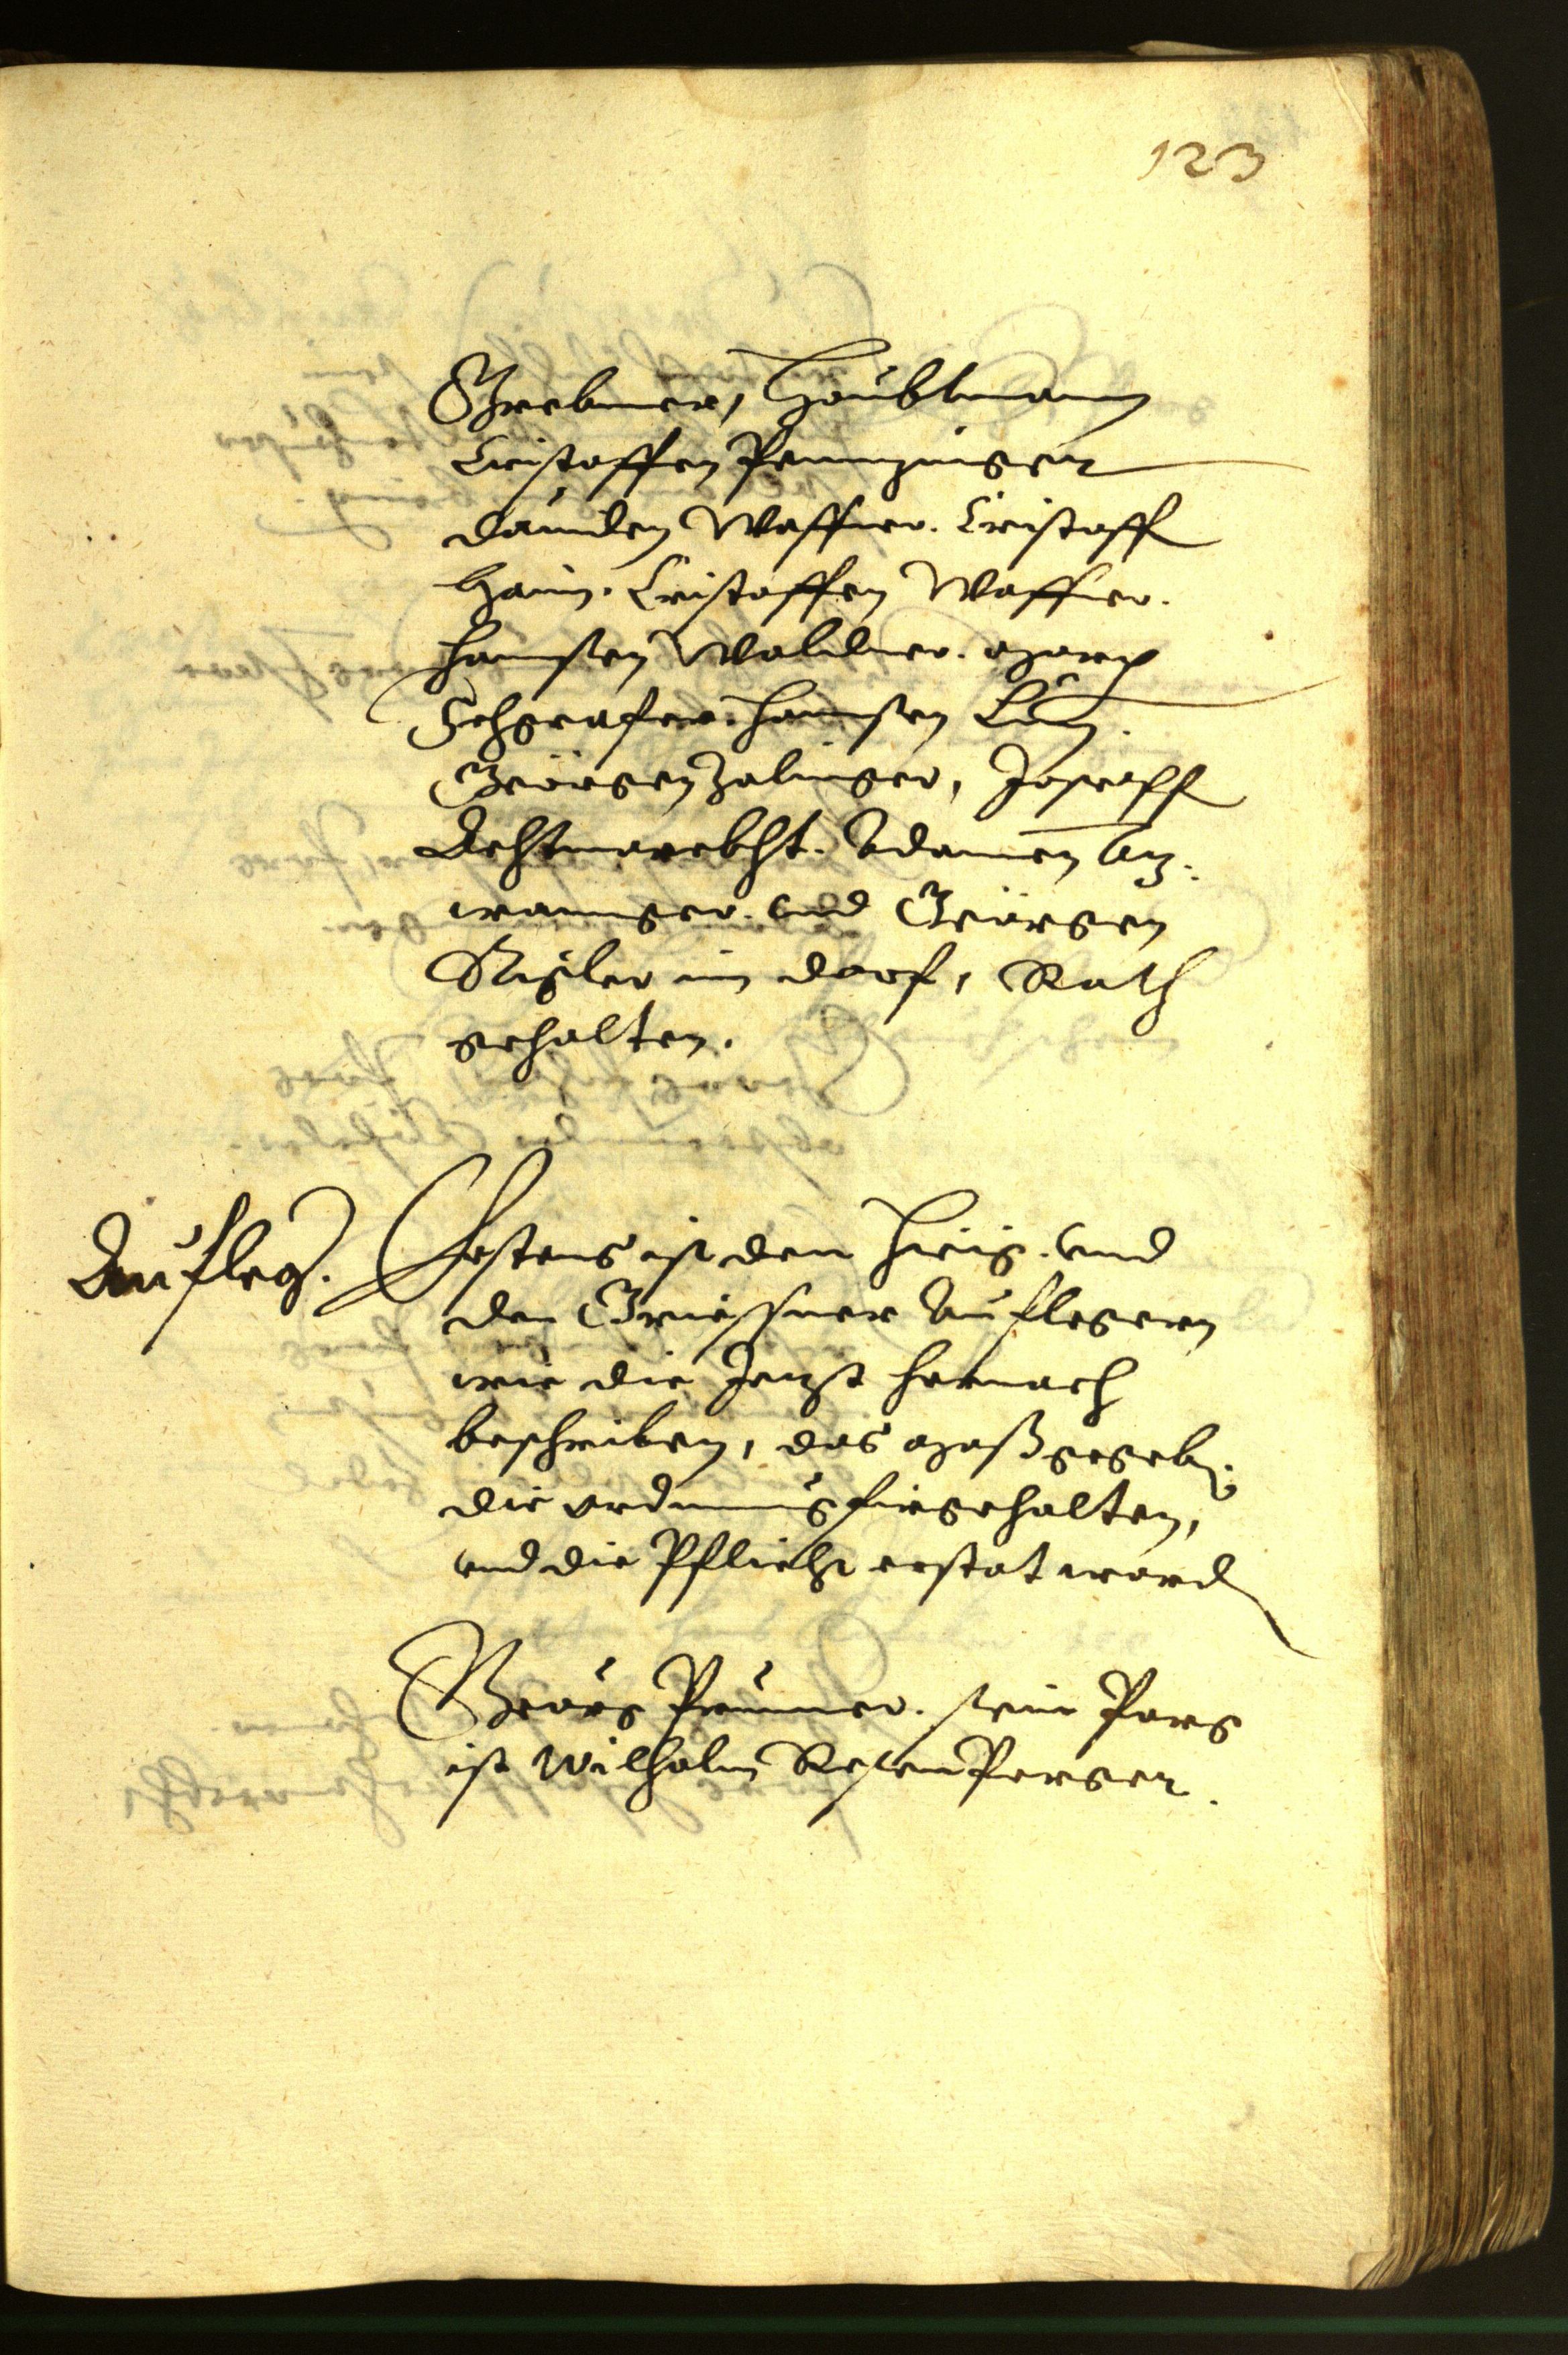123
Grebmer, Haūbtmann
Cristoffen Pennzinger
Daūiden Waffner. Cristoff
Haim. Cristoffen Waffner.
hannsen Waldner. Marx
Schgrafer. hannsen Lūn.
Geörgen Zalinger, Joseff
Achtmarckht. Adamen Az¬
wannger. vnd Geörgen
Rigler im dorf, Rath
gehalten.
Erstens ist den Hieig. vnd
den Griessner Aūflegern
wie die Jezt hernach
beschriben, das Maß gegeb.
die ordnūng firgehalten,
vnd die Pflicht erstat word.
Geōrg Prūnner. sein Porg
ist Wilhalm ResenPerger.
Aūfleg.